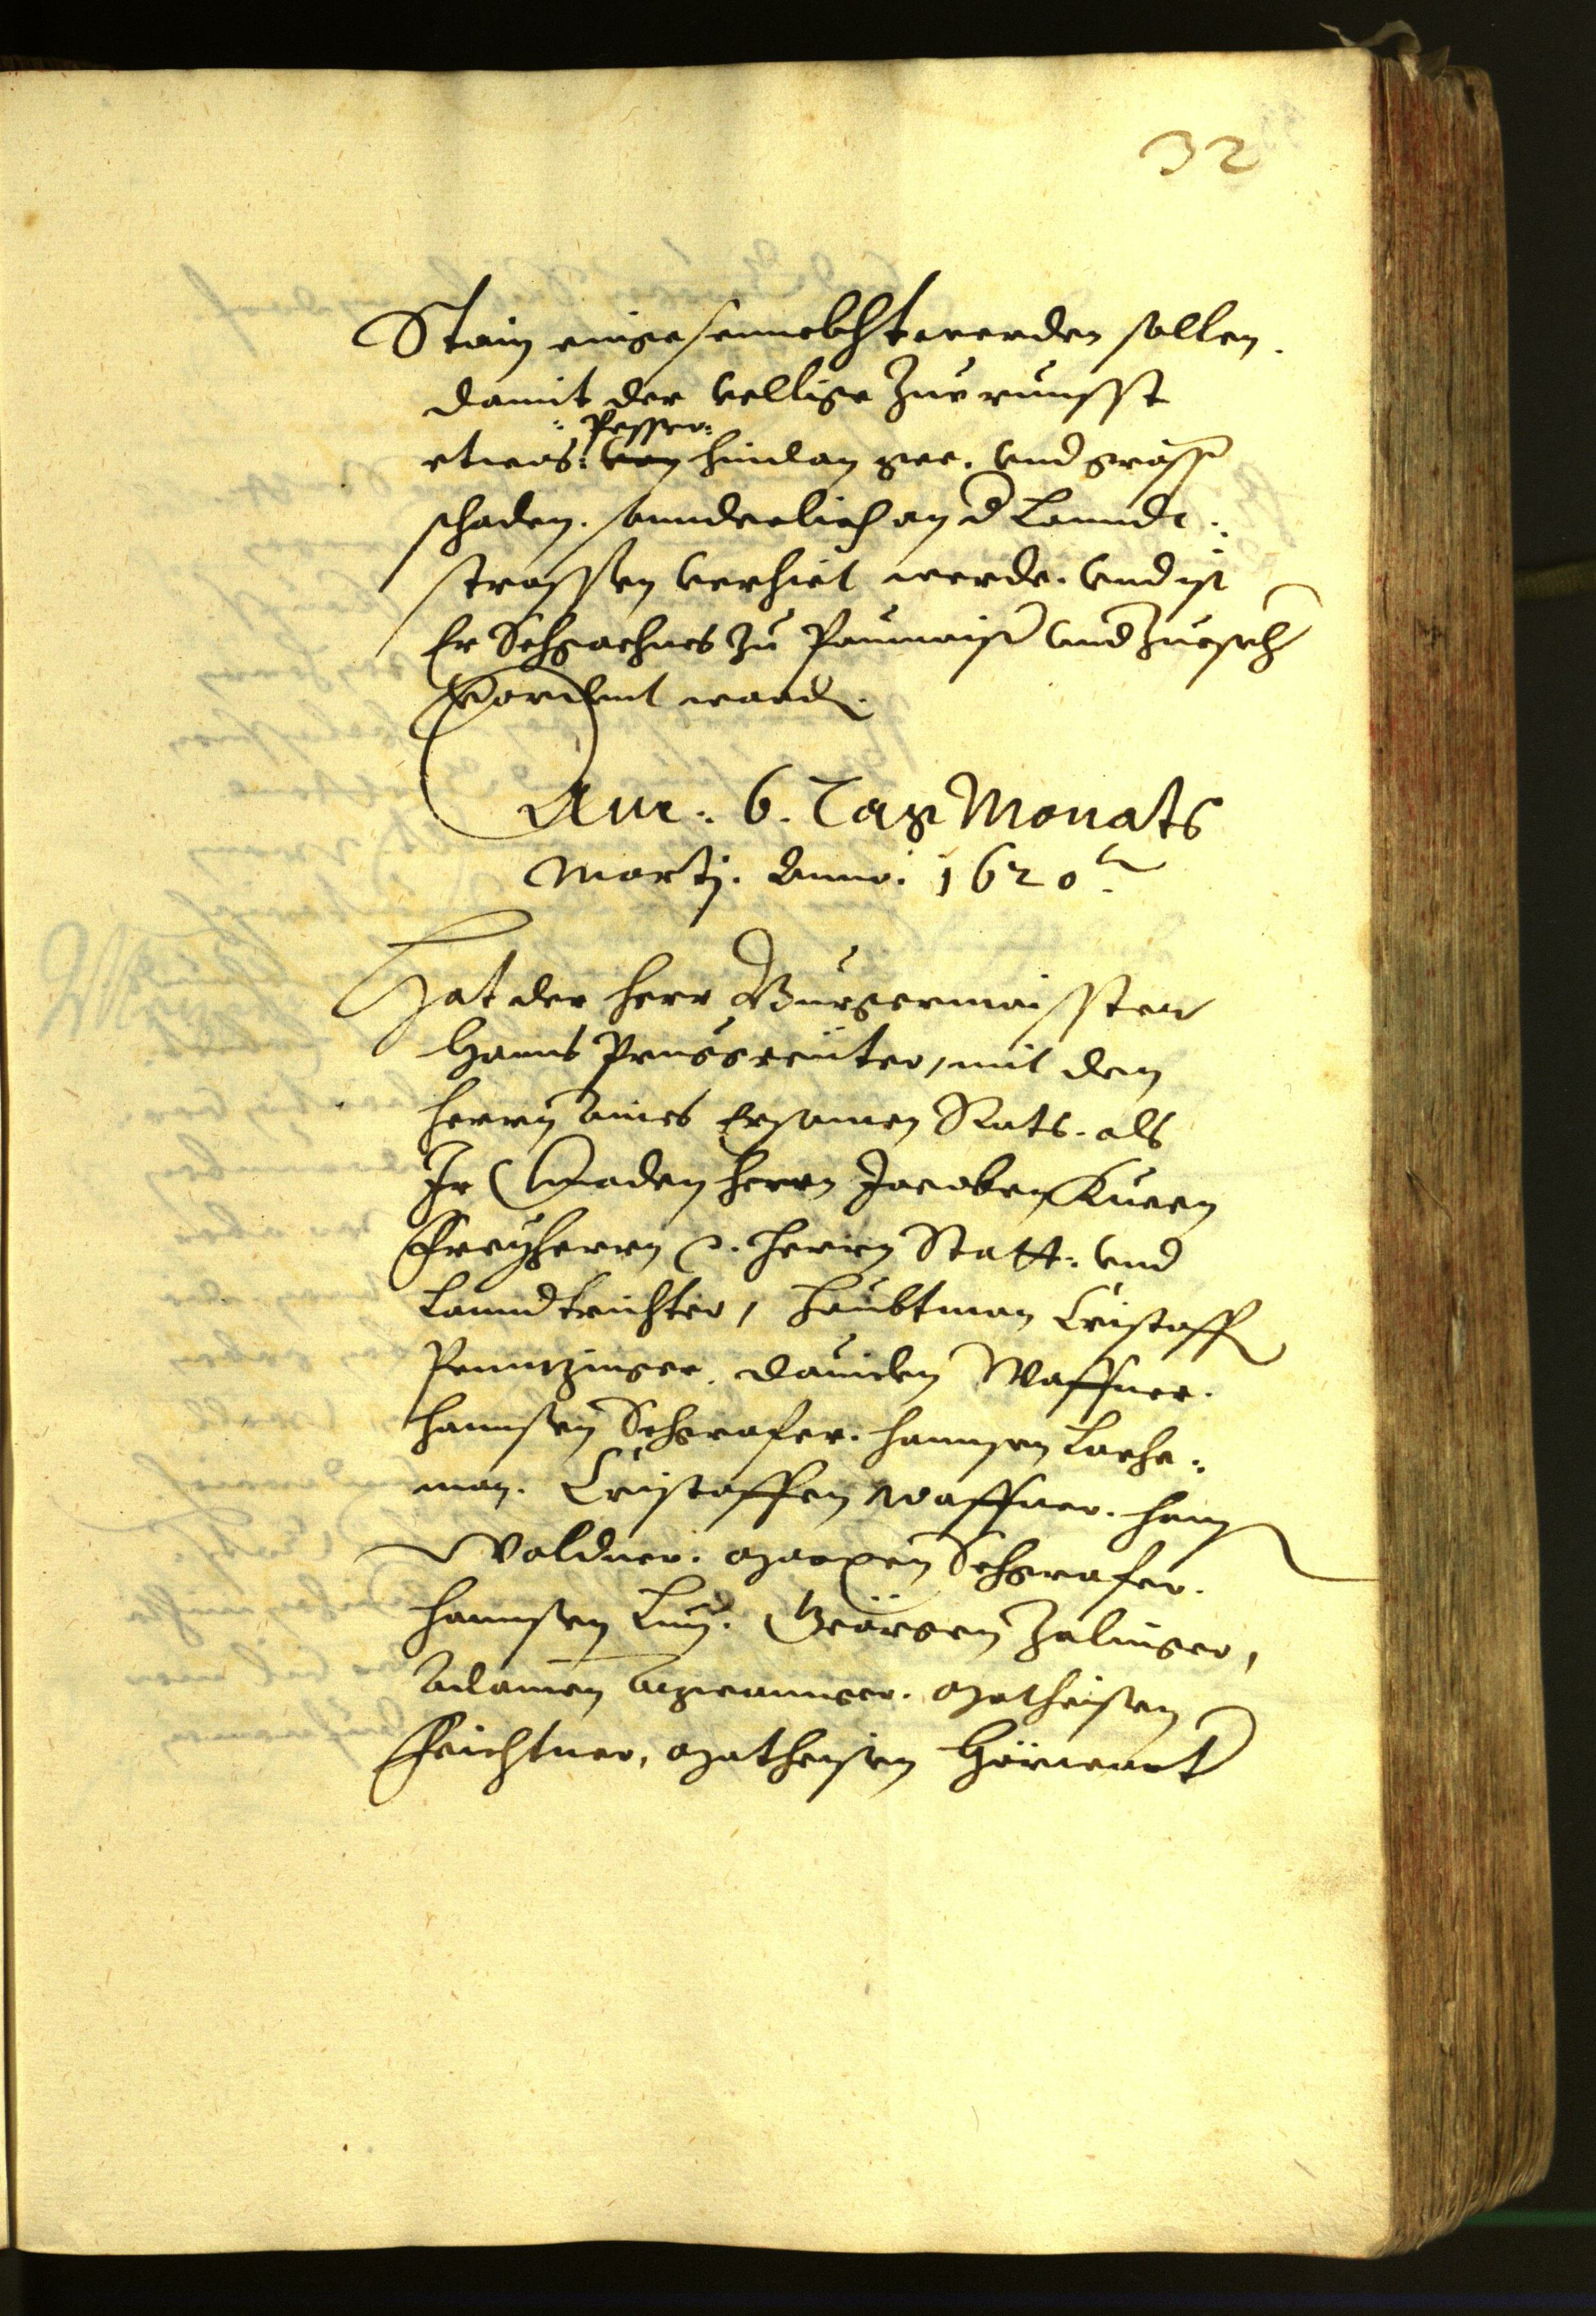32
Stain eingesennckht werden sollen.
damit der vellige Zūe rūnsst
Pesser
etwas von hindan gee. vnd gross
schaden. sonderlich an d Lanndt¬
strassen verhiet werde. vnd ist
Er Schgachnes Zū Paūmaist vnd Zūeseh
Vordent word.
Am: 6. Tag Monats
Martj. Anno. 1620 t.
Hat der herr Būrgermaisster
Hanns Prūggreūter, mit den
herrn Aines Ersamen Rats. als
Ir Gnaden herrn Jacoben Kūeen
Freyherrn etc. herrn Statt- vnd
Lanndtrichter, haūbtman Cristoff
Pennzinger. Daūiden Waffner.
Hannsen Schgrafer. hannsen Loche¬
man. Cristoffen Waffner. hans
Waldner. Marxen Schgrafer.
Hannsen Lūn. Geörgen Zalinger,
Adamen Azwannger. Matheisen
Feichtner, Matheisen Hörwart